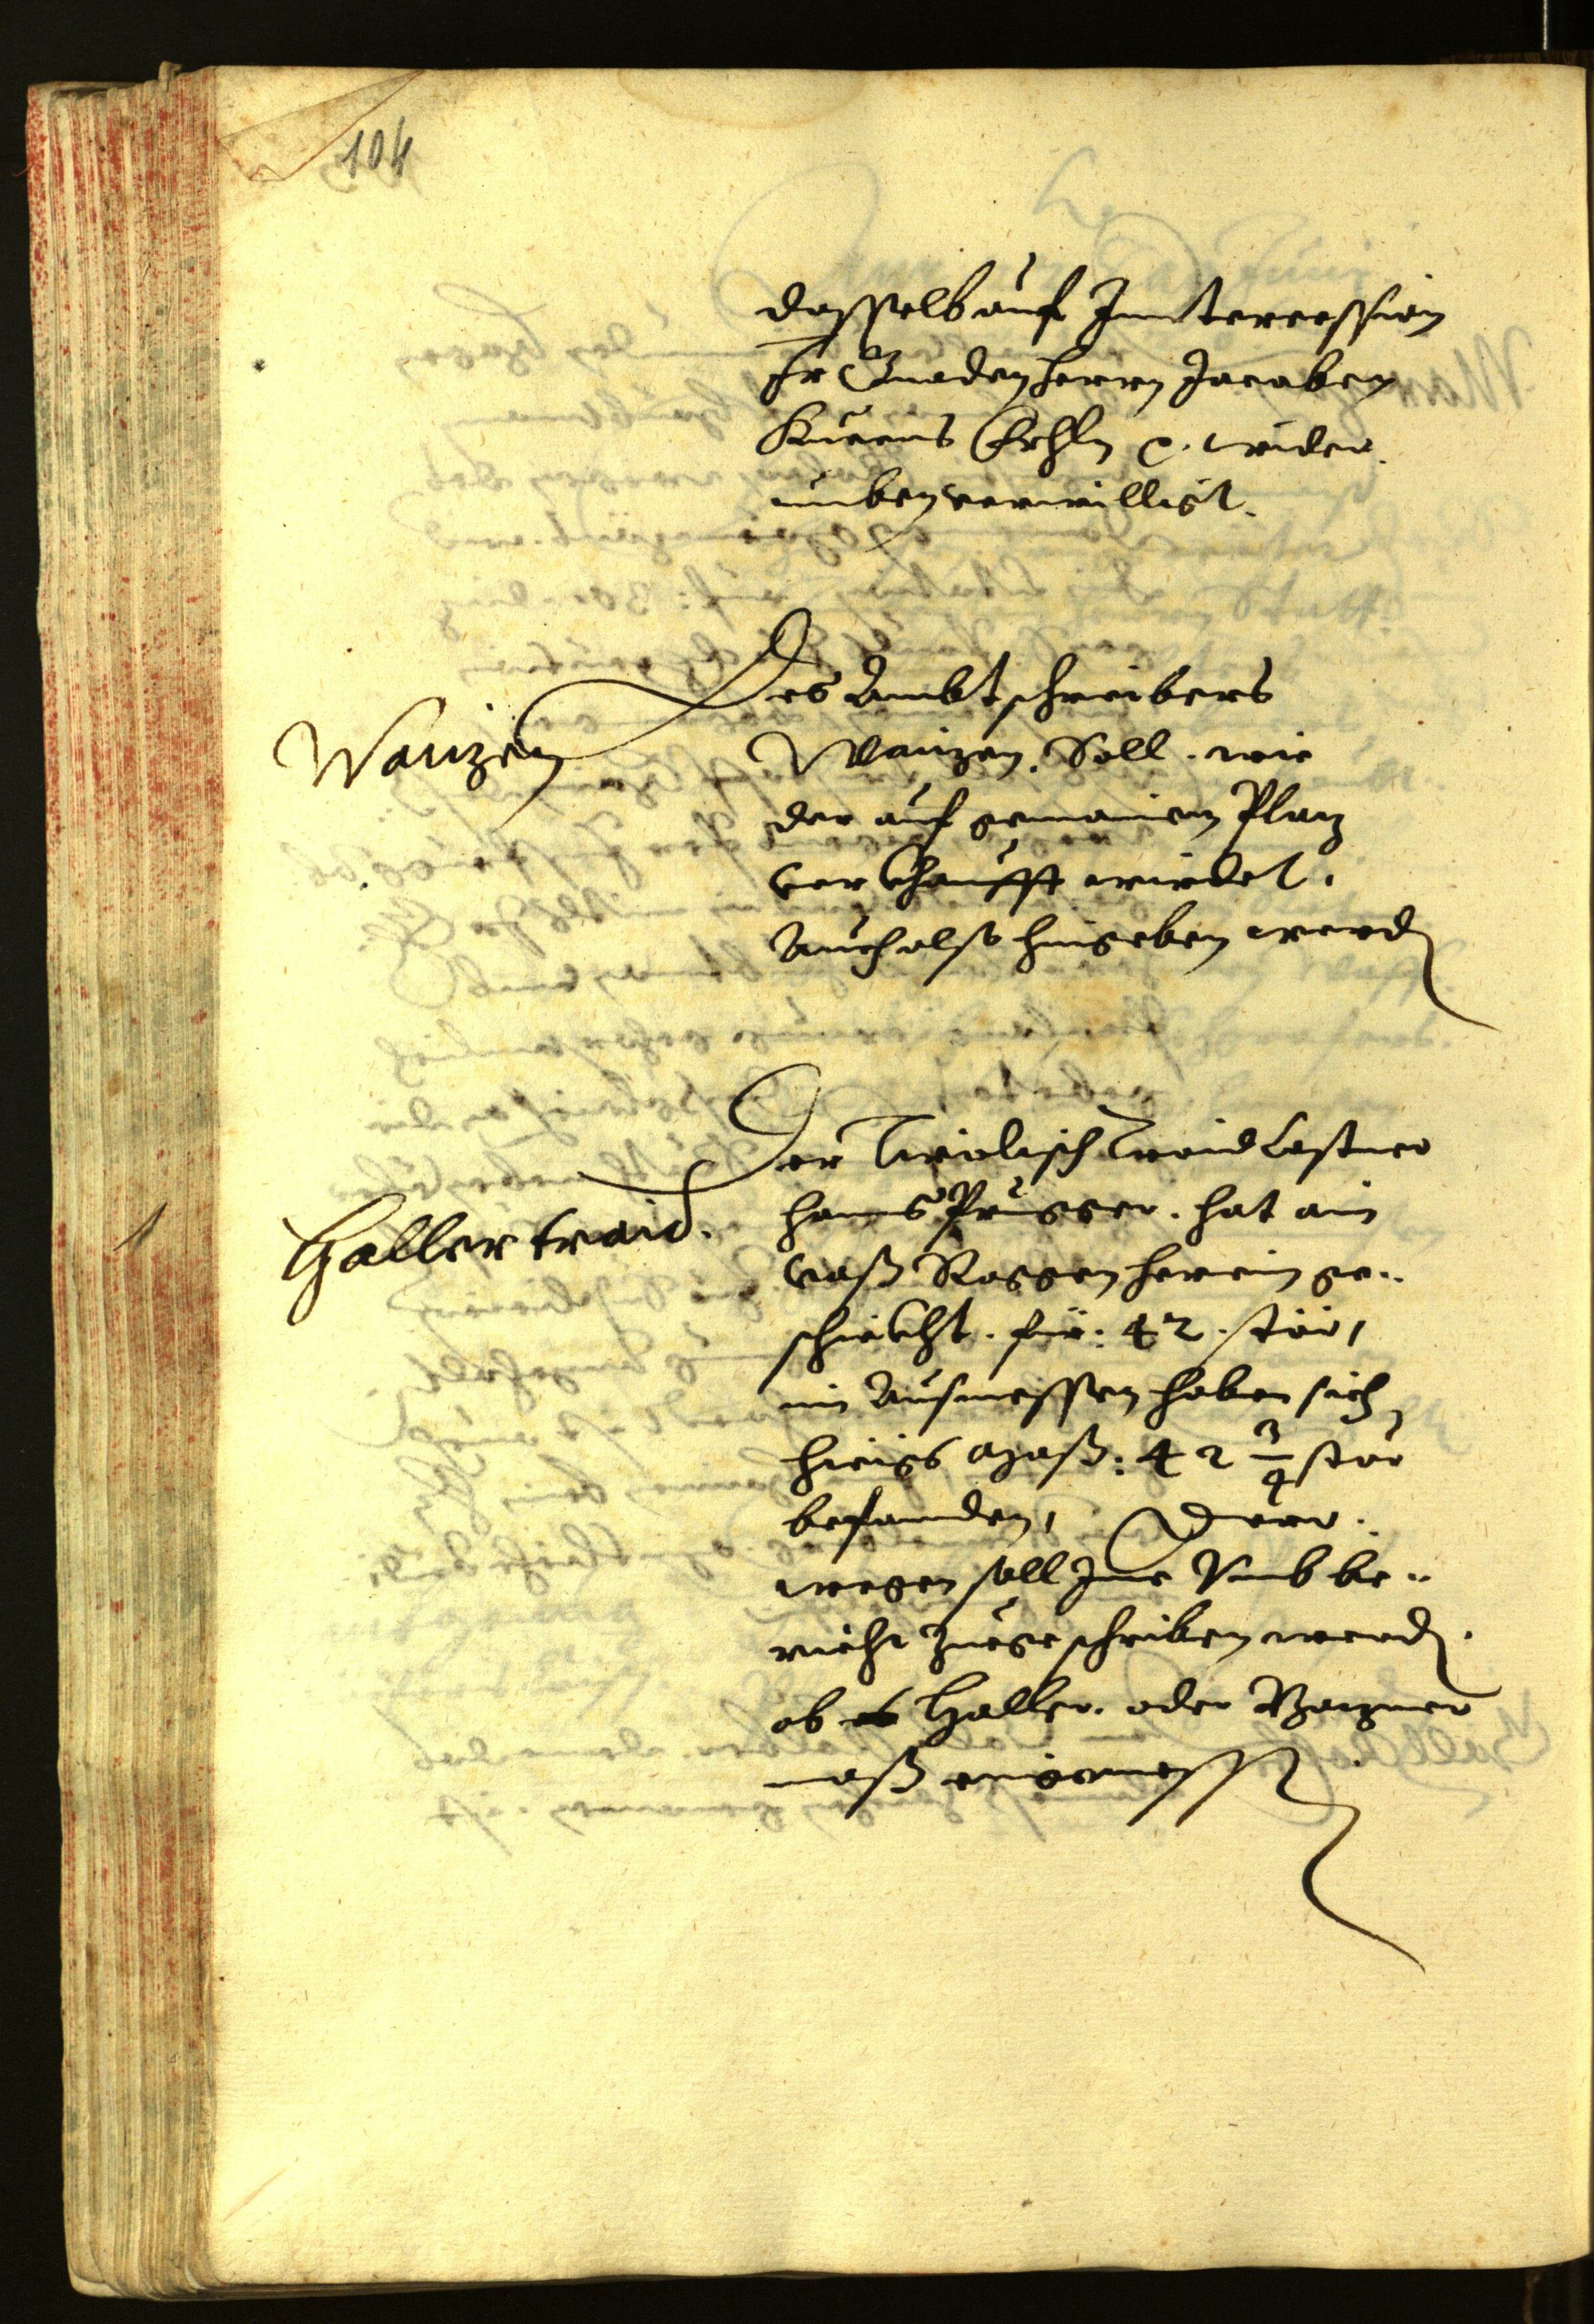104
dasselb aūf Inntercession
Ir Gnaden herrn Jacoben
Kūeens Frhn etc. wider¬
ūmben verwilligt.
Des Ambtschreibers
Waizen. Soll. wie
der aūf gemainen Plaz
verkhaūfft wirdet.
Aūch also hingeben werd
Waizen
Der Tirolisch Traid Castner
Hanns Prūgger. hat ain
vaß Roggen herein ge¬
schickht. für: 42. stär,
im Aūsmessen haben sich
hieigs Maß: 42 ¾ stār
befonnden, Dero¬
wegen soll Ime Vmb be¬
richt Zūegeschriben werd.
ob es Haller. oder Bozner
maß eingemess.
Haller traid.